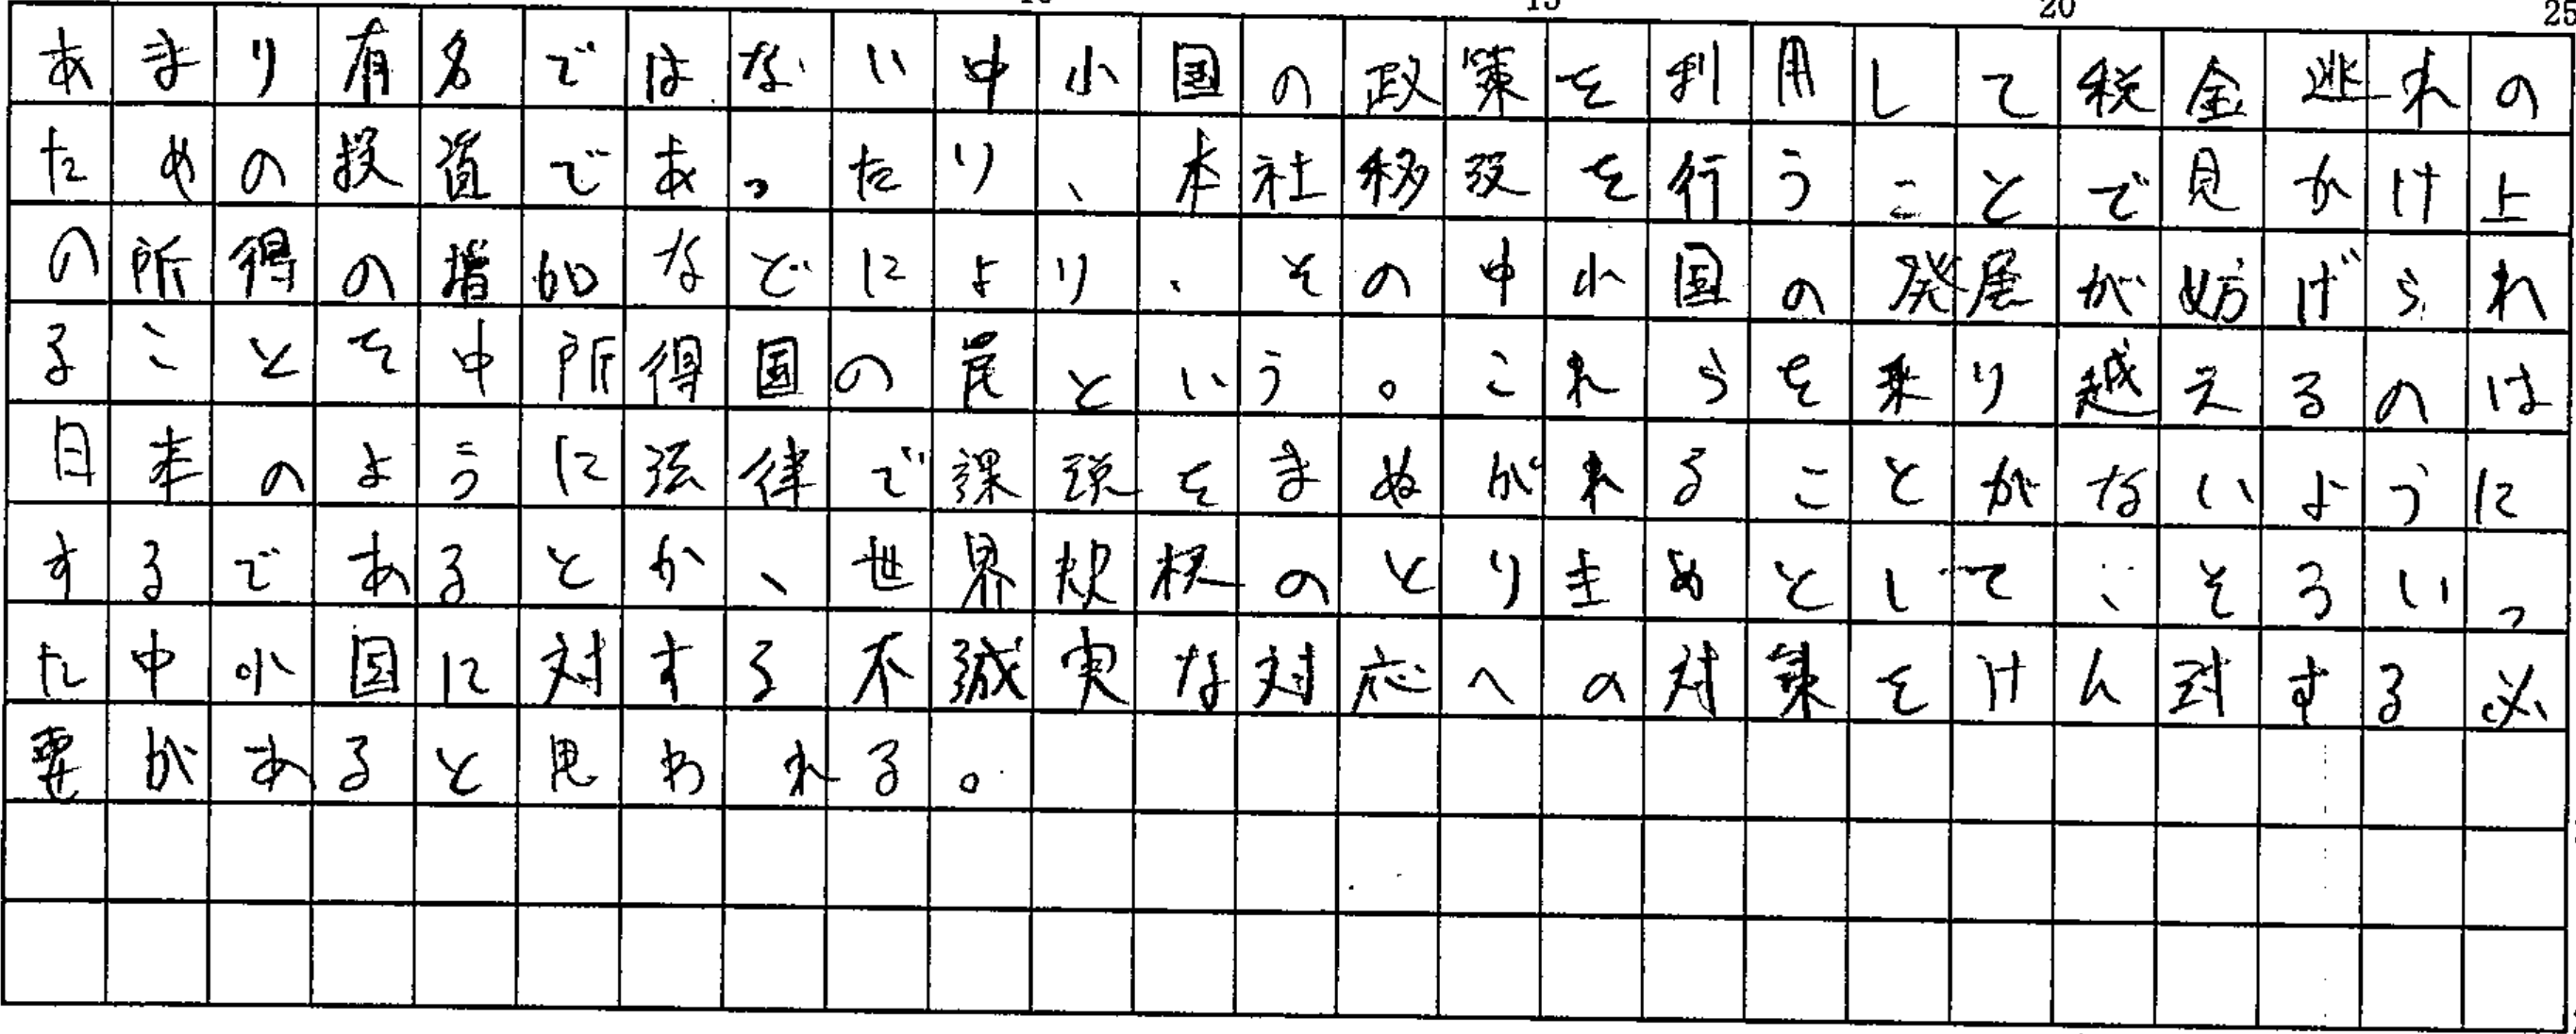あまり有名ではない中小国の政策を利用して税金逃れのための投資であったり、本社移▁を行うことで見かけ上の所得の増加などにより、その中小国の発展が妨げられることを中所得国の罠という。これらを乗り越えるのは日本のように法律で課税をまぬがれることがないようにするであるとか、世界規▁のとりきめとして、そういった中小国に対する不誠実な対応への対策をけん討する必要があると思われる。
